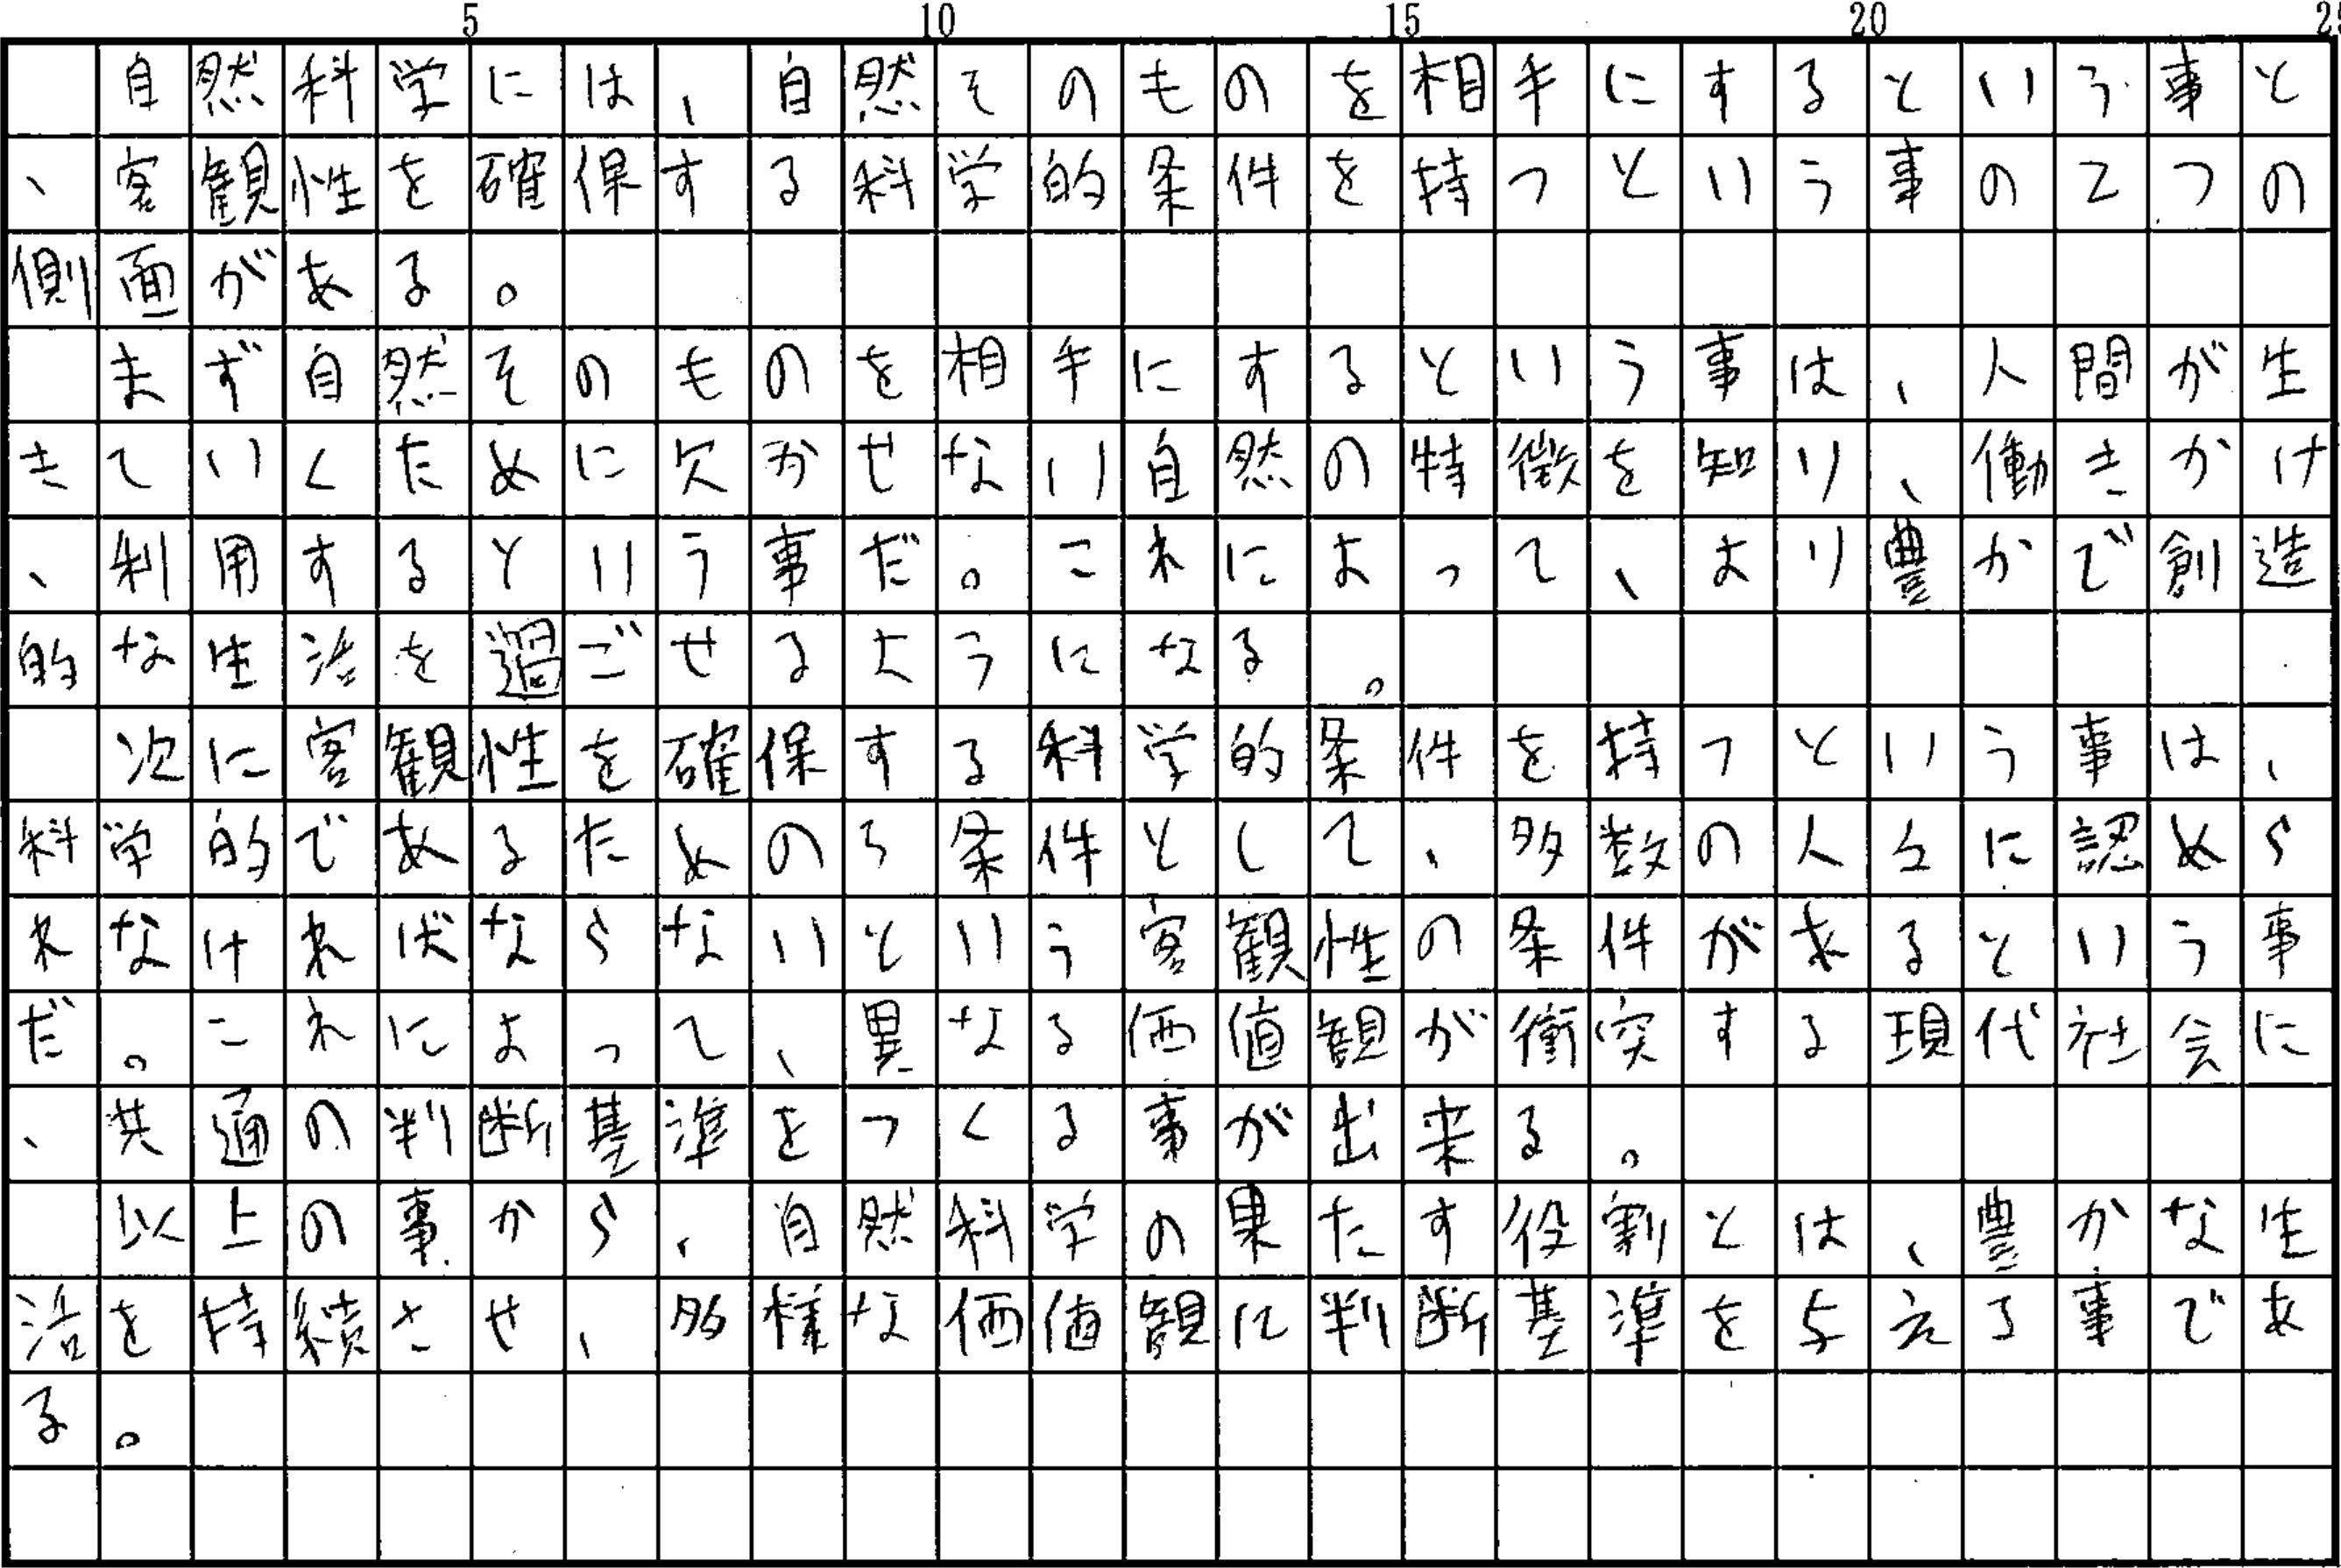　自然科学には、自然そのものを相手にするという事と、客観性を確保する科学的条件を持つという事の２つの側面がある。
　まず自然そのものを相手にするという事は、人間が生きていくために欠かせない自然の特徴を知り、働きかけ、利用するという事だ。これによって、より豊かで創造的な生活を過ごせるようになる。
　次に客観性を確保する科学的条件を持つという事は、科学的であるための３条件として、多数の人々に認められなければならないという客観性の条件があるという事だ。これによって、異なる価値観が衝突する現代社会に、共通の判断基準をつくる事が出来る。
　以上の事から、自然科学の果たす役割とは、豊かな生活を持続させ、多様な価値観に判断基準を与える事である。
